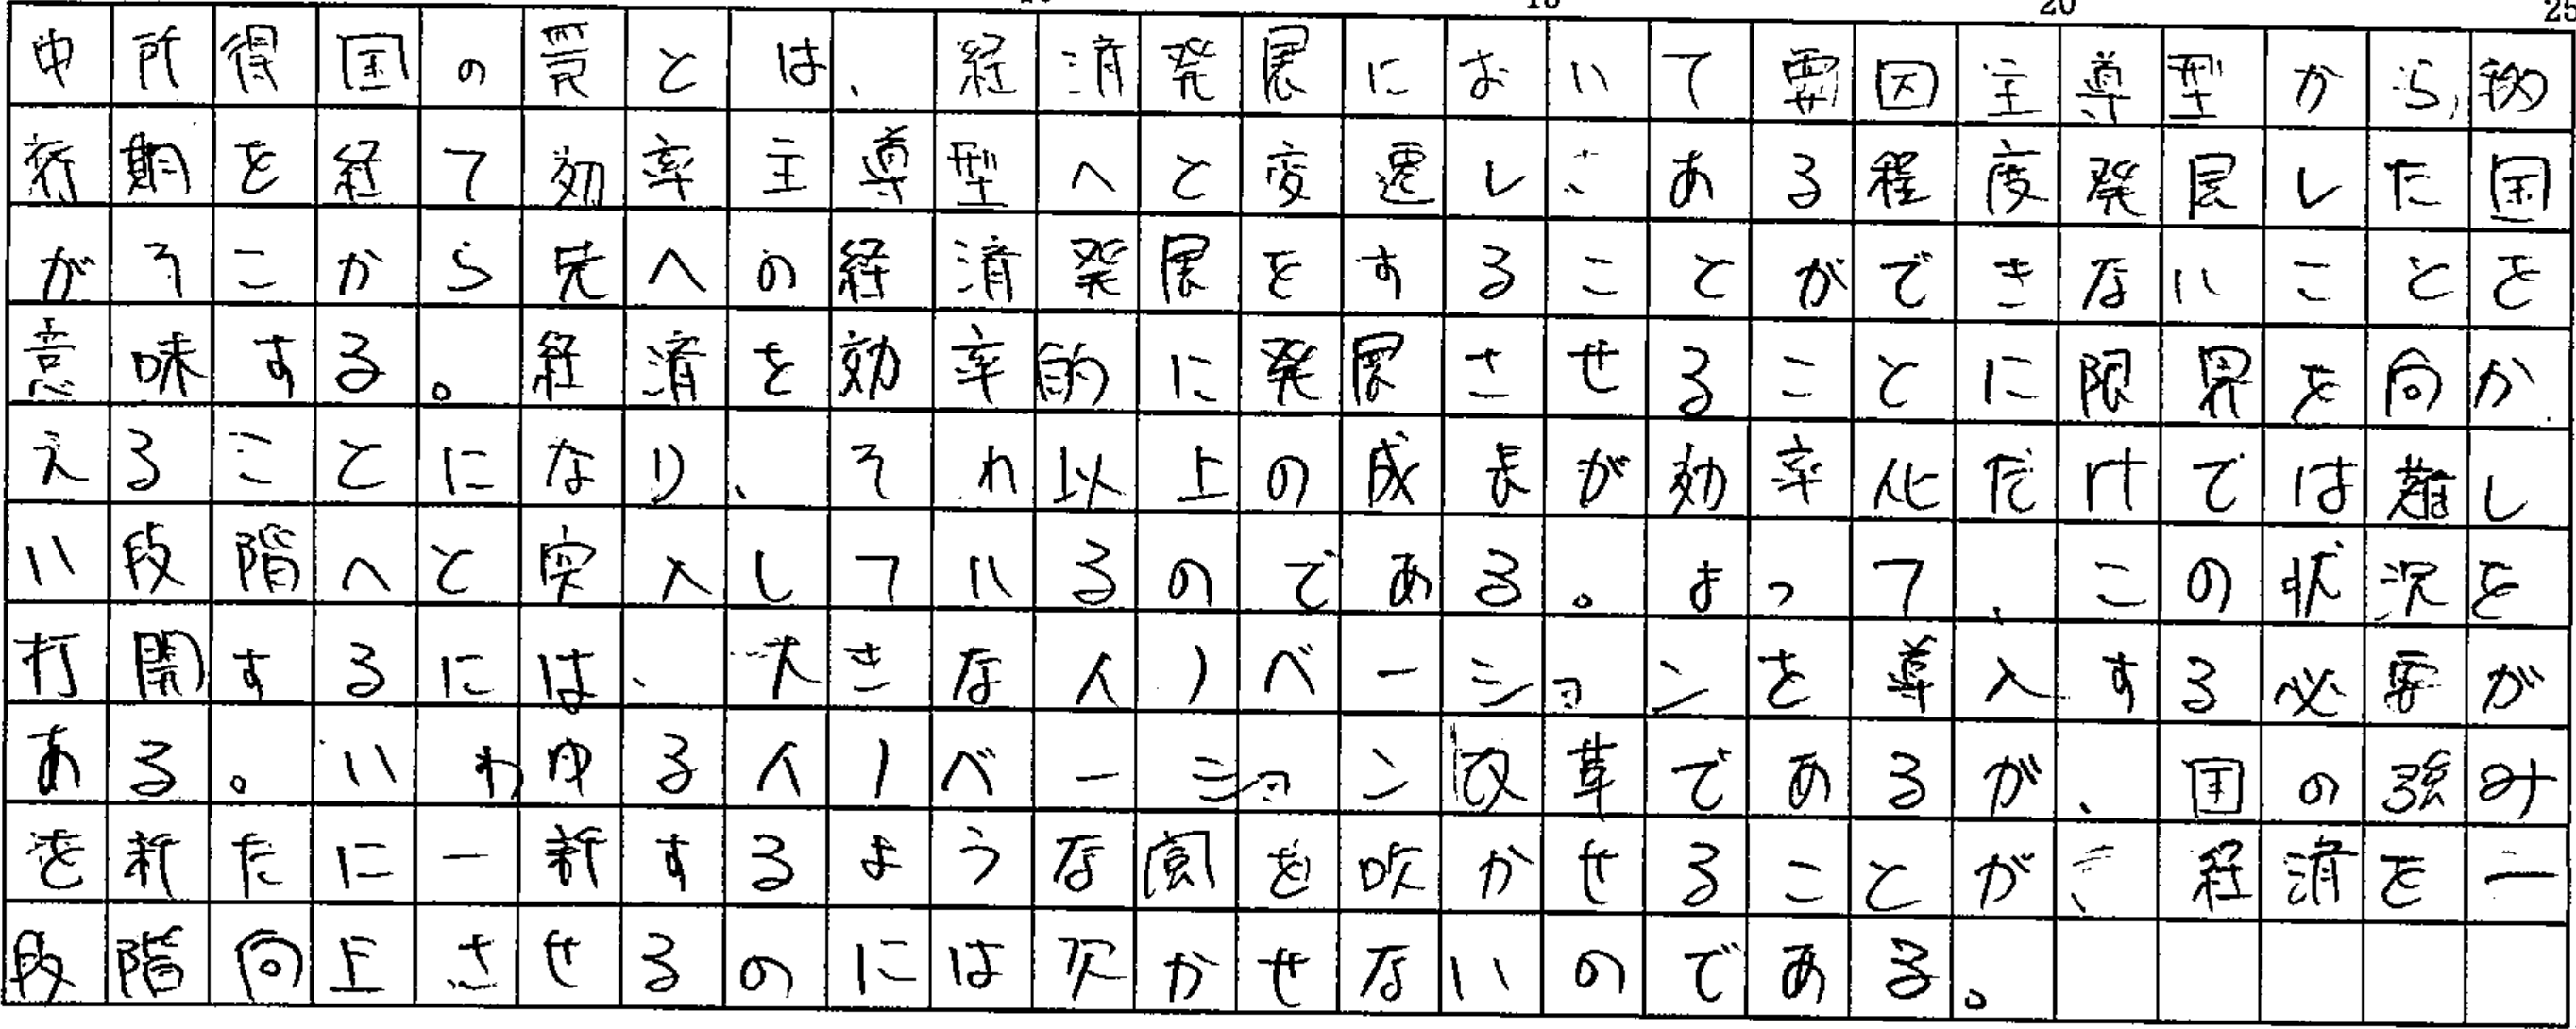中所得国の罠とは、経済発展において要因主導型から移行期を経て効率主導型へと変遷し、ある程度発展した国がそこから先への経済発展をすることができないことを意味する。経済を効率的に発展させることに限界を向かえることになり、それ以上の成長が効率化だけでは難しい▁階へと突入しているのである。よって、この状況を打開するには、大きなイノベーションを導入する必要がある。いわゆるイノベーション改革であるが、国の強みを新たに一新するような風を吹かせることが、経済を一▁階向上させるのには欠かせないのである。
